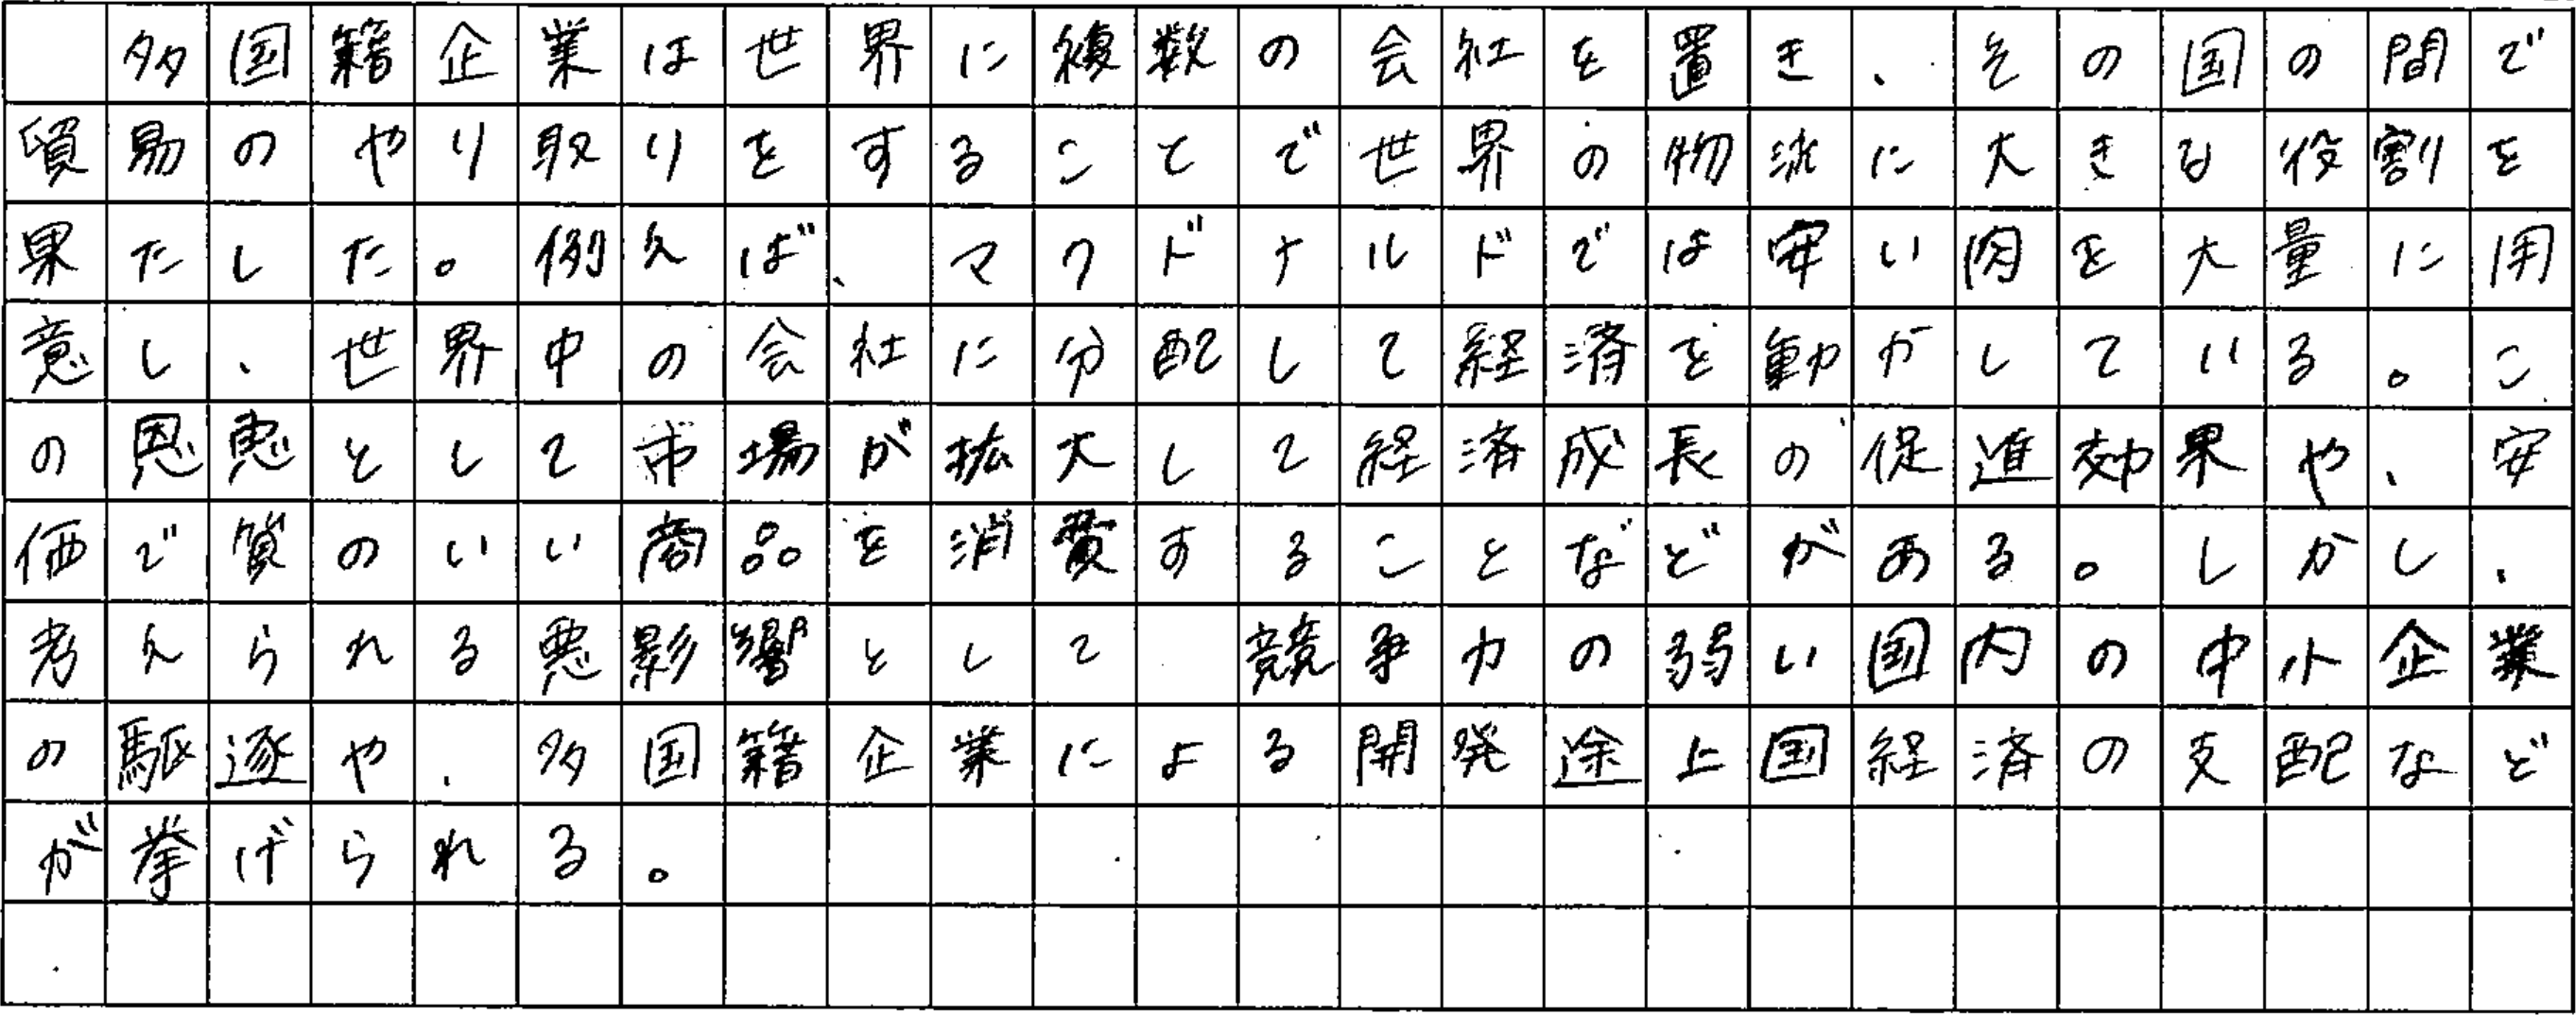　多国籍企業は世界に複数の会社を置き、その国の間で貿易のやり取りをすることで世界の物流に大きな役割を果たした。例えば、マクドナルドでは安い肉を大量に用意し、世界中の会社に分配して経済を動かしている。この恩恵として市場が拡大して経済成長の促進効果や、安価で質のいい商品を消費することなどがある。しかし、考えられる悪影響として、競争力の弱い国内の中小企業の駆逐や、多国籍企業による開発途上国経済の支配などが挙げられる。
